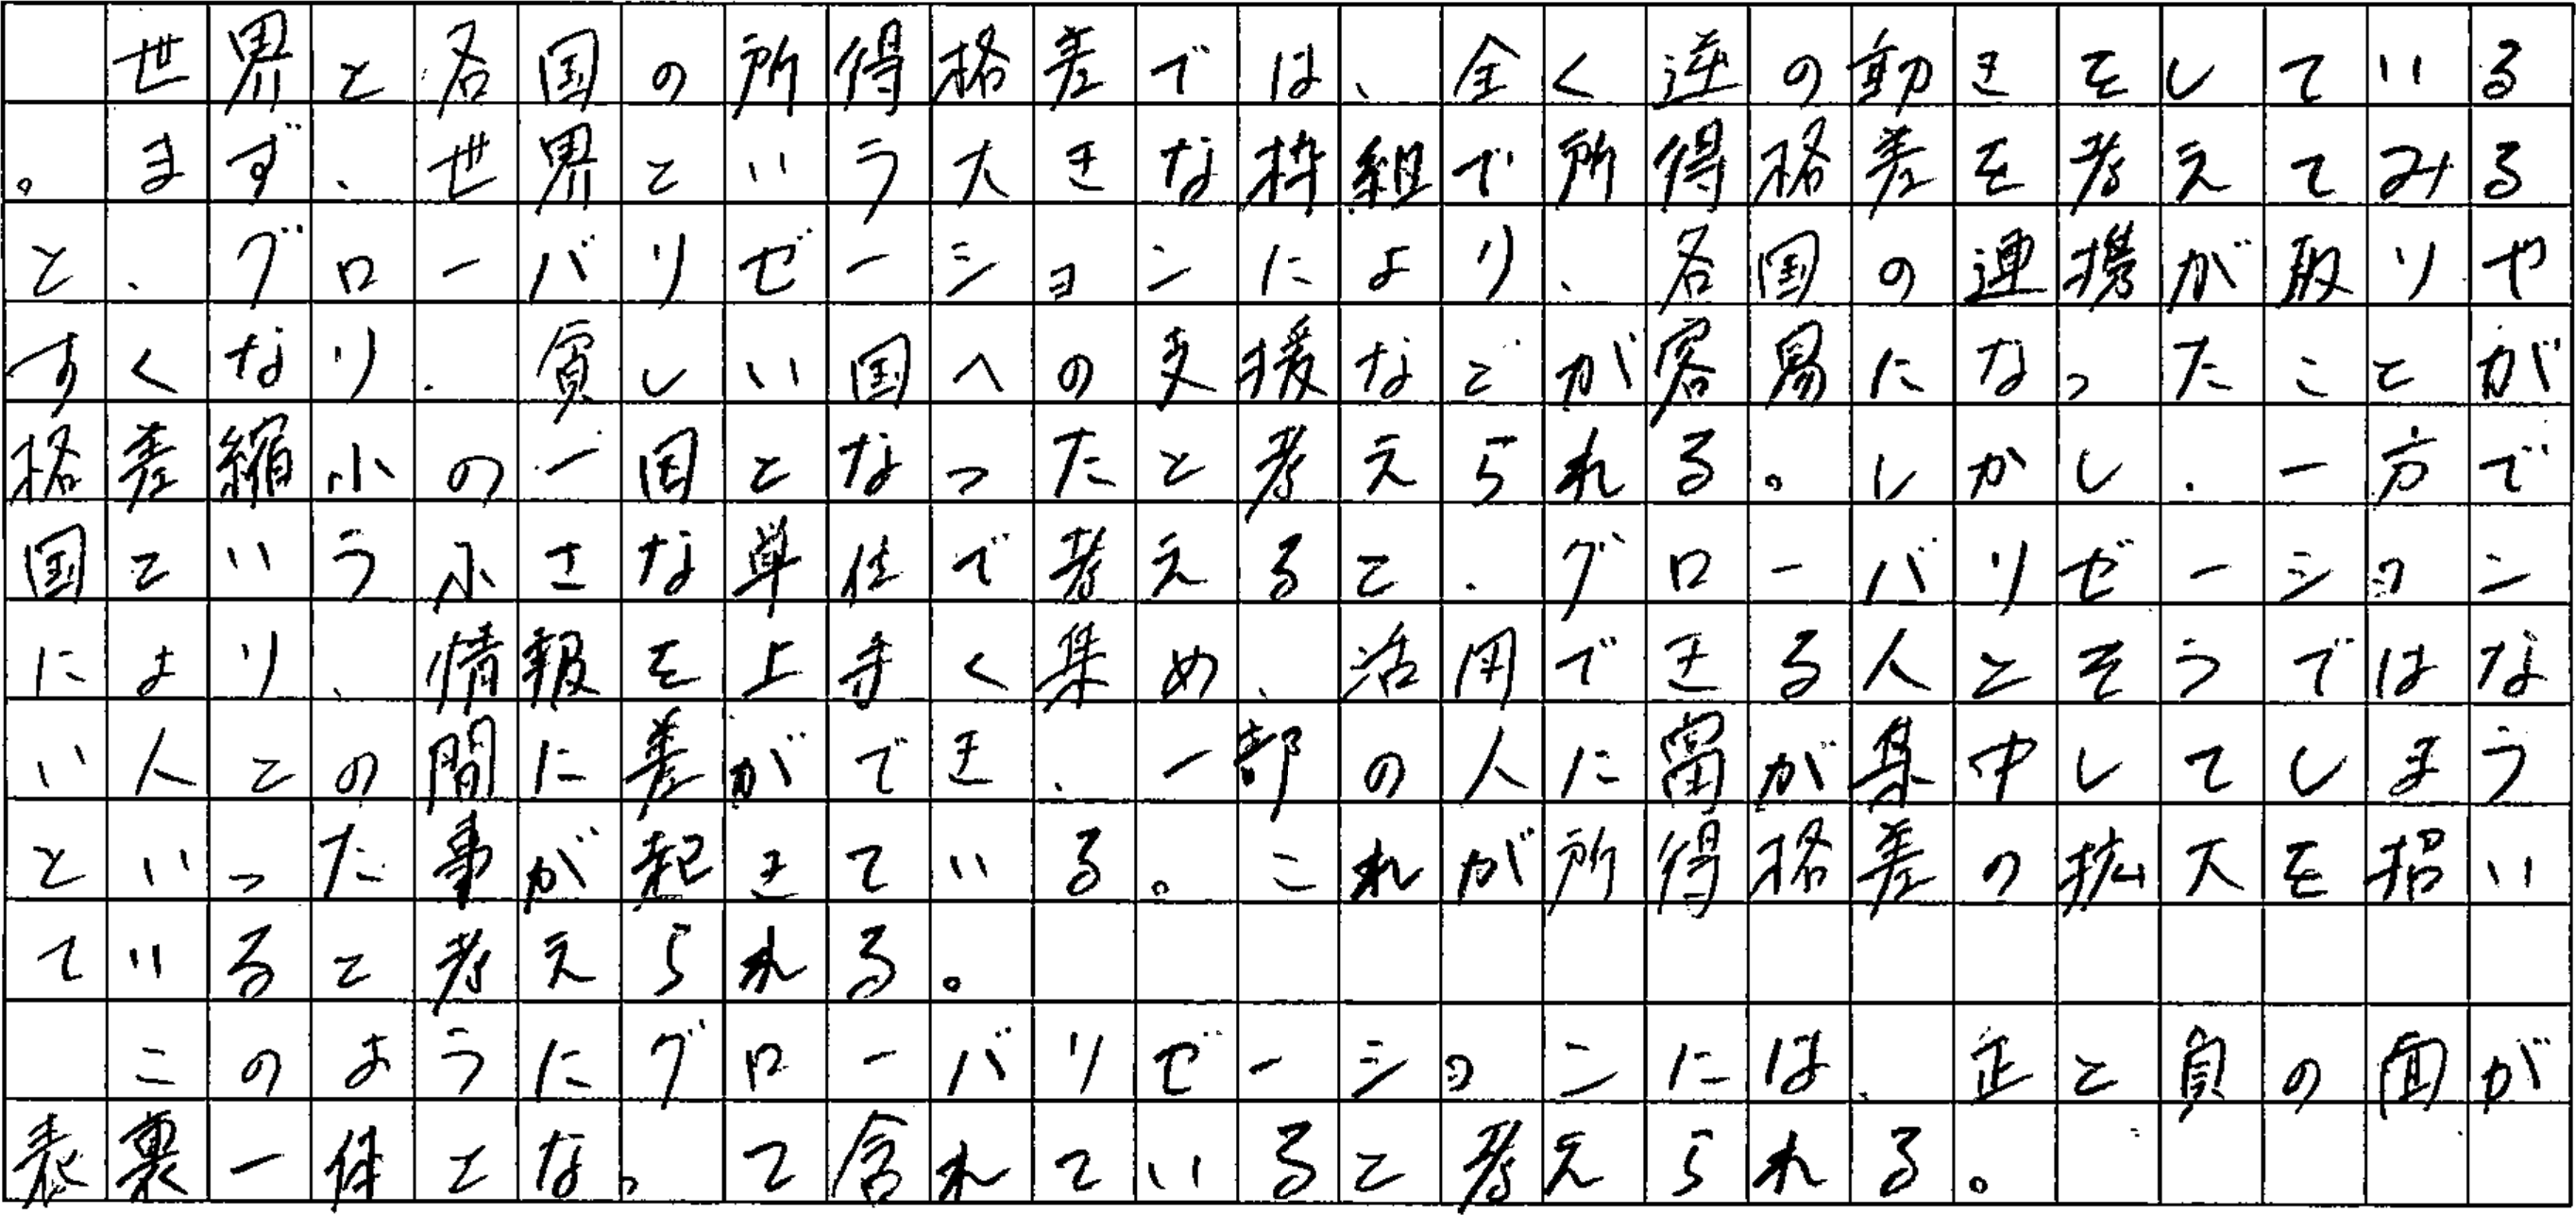　世界と各国の所得格差では、全く逆の動きをしている。まず、世界という大きな枠組みで所得格差を考えてみると、グローバリゼーションにより、各国の連携が取りやすくなり、貧しい国への支援などが容易になったことが格差縮小の一因となったと考えられる。しかし、一方で国という小さな単位で考えると、グローバリゼーションにより、情報を上手く集め、活用できる人とそうではない人との間に差ができ、一部の人に富が集中してしまうといった事が起きている。これが所得格差の拡大を招いていると考えられる。
　このようにグローバリゼーションには、正と負の面が表裏一体となって含れていると考えられる。
